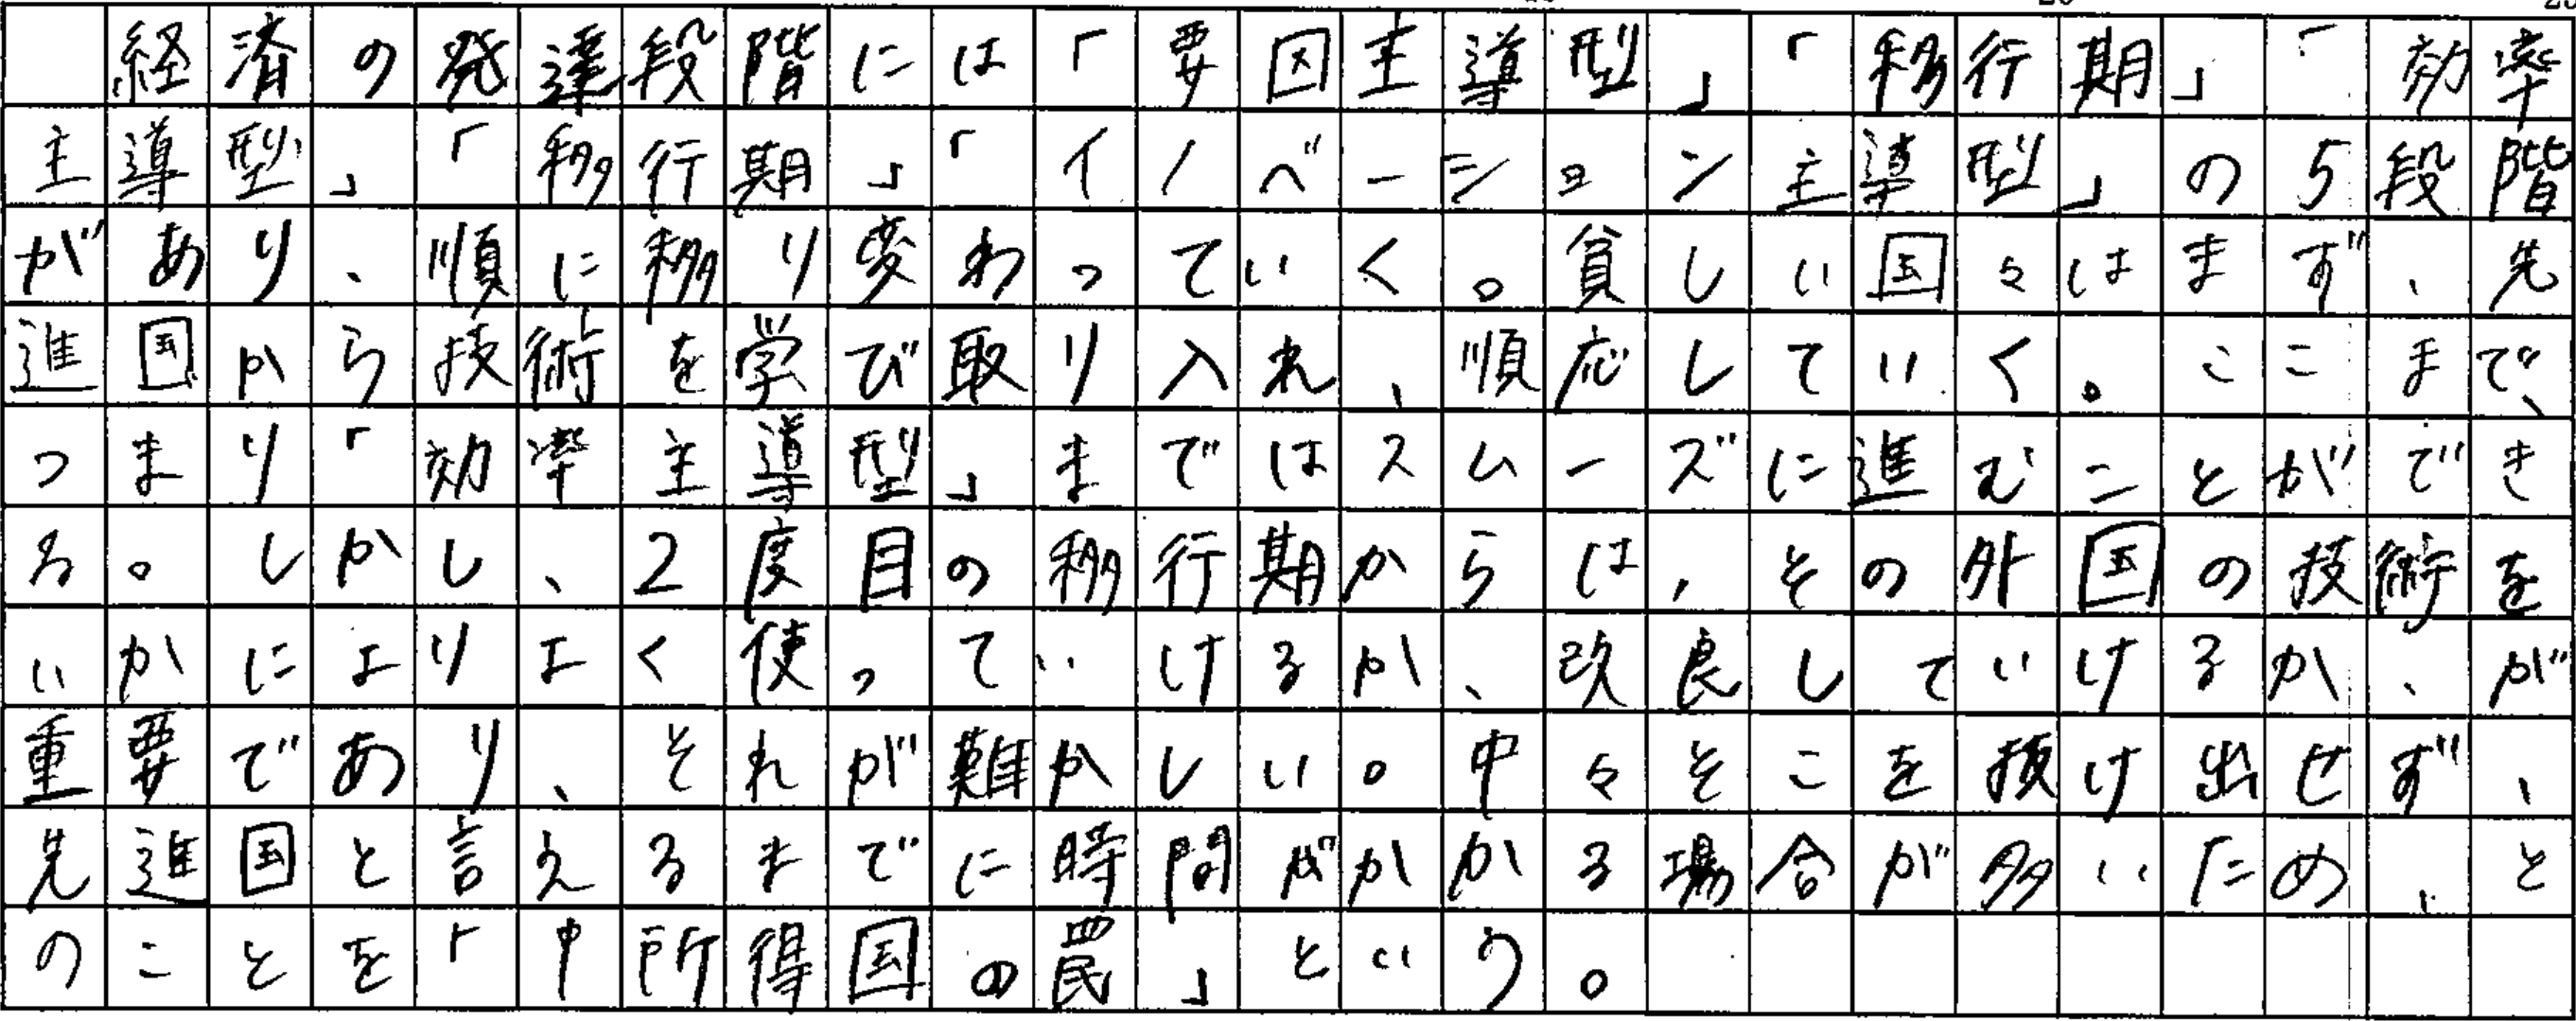　経済の発達段階には「要因主導型」「移行期」「効率主導型」「移行期」「イノベーション主導型」の５段階があり、順に移り変わっていく。貧しい国々はまず、先進国から技術を学び取り入れ、順応していく。ここまで、つまり「効率主導型」まではスムーズに進むことができる。しかし、２度目の移行期からは，その外国の技術をいかによりよく使っていけるか、改良していけるか、が重要であり、それが難かしい。中々そこを抜け出せず、先進国と言えるまでに時間がかかる場合が多いため、そのことを「中所得国の罠」という。
